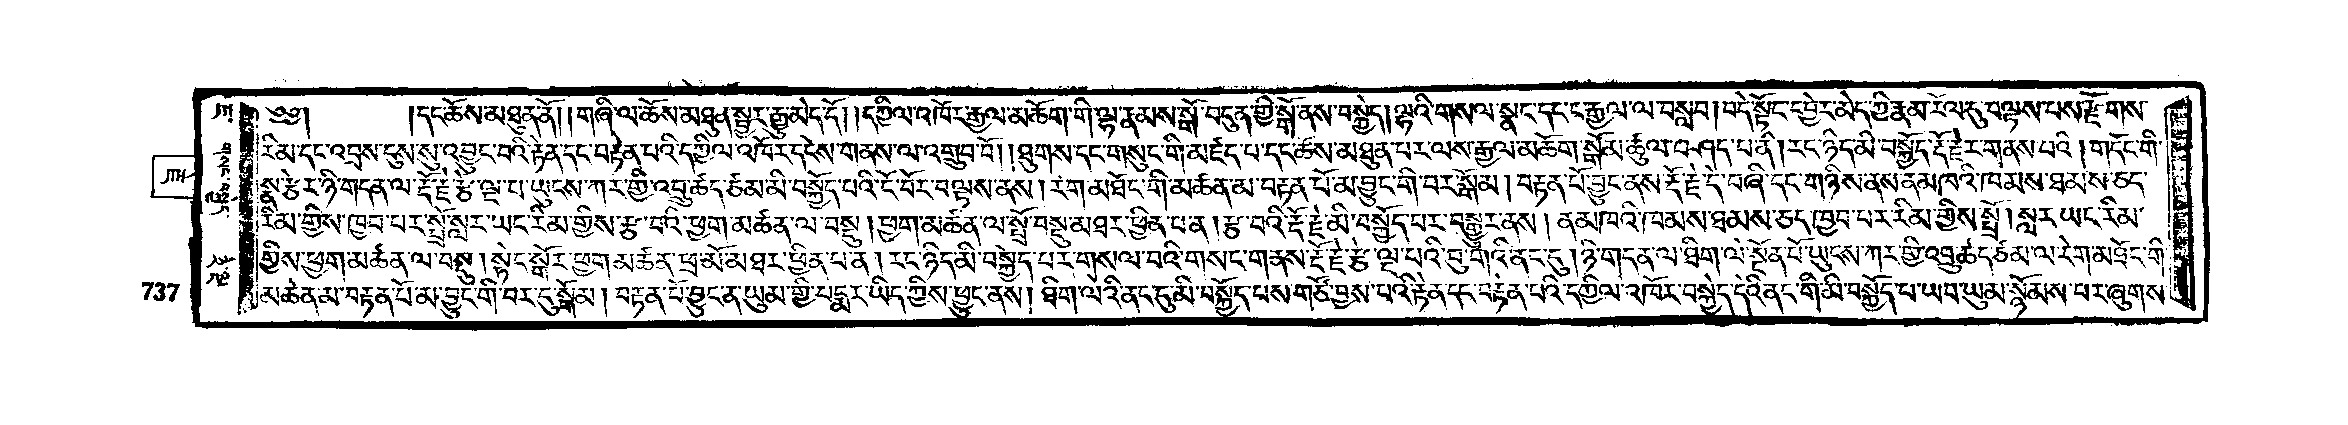༄༅། །དང་ཆོས་མཐུན་ནོ། །གཞི་ལ་ཆོས་མཐུན་སྦྱར་རྒྱུ་མེད་དོ། །དཀྱིལ་འཁོར་རྒྱལ་མཆོག་གི་ལྷ་རྣམས་སྒོ་བདུན་གྱི་སྒོ་ནས་བསྐྱེད། ལྷའི་གསལ་སྣང་དང་ང་རྒྱལ་ལ་བསླབ། བདེ་སྟོང་དབྱེར་མེད་ཀྱི་རྣམ་རོལ་ཏུ་བལྟས་པས་རྫོགས་
རིམ་དང་འབྲས་དུས་སུ་འབྱུང་བའི་རྟེན་དང་བརྟེན་པའི་དཀྱིལ་འཁོར་དངོས་གནས་ལ་འགྲུབ་བོ། །ཐུགས་དང་གསུང་གི་མཛད་པ་དང་ཆོས་མཐུན་པར་ལས་རྒྱལ་མཆོག་སྒོམ་ཚུལ་བཤད་པ་ནི། རང་ཉིད་མི་བསྐྱོད་རྡོ་རྗེར་གནས་པའི། གདོང་གི་
སྣ་རྩེར་ཉི་གདན་ལ་རྡོ་རྗེ་རྩེ་ལྔ་པ་ཡུངས་ཀར་གྱི་འབྲུ་ཚད་ཙམ་མི་བསྐྱོད་པའི་ངོ་བོར་བལྟས་ནས། རེག་མཐོང་གི་མཚན་མ་བརྟན་པོ་མ་བྱུང་གི་བར་སྒོམ། བརྟན་པོ་བྱུང་ནས་རྡོ་རྗེ་དེ་བཞི་དང་གཉིས་ནས་ནམ་མཁའི་ཁམས་ཐམས་ཅད་
རིམ་གྱིས་ཁྱབ་པར་སྤྲོ་སླར་ཡང་རིམ་གྱིས་རྩ་བའི་ཕྱག་མཚན་ལ་བསྡུ། ཕྱག་མཚན་ལ་སྤྲོ་བསྡུ་མཐར་ཕྱིན་པ་ན། རྩ་བའི་རྡོ་རྗེ་མི་བསྐྱོད་པར་བསྒྱུར་ནས། ནམ་མཁའི་ཁམས་ཐམས་ཅད་ཁྱབ་པར་རིམ་གྱིས་སྤྲོ། སླར་ཡང་རིམ་
གྱིས་ཕྱག་མཚན་ལ་བསྡུ། སྟེང་སྒོར་ཕྱག་མཚན་ཕྲ་མོ་མཐར་ཕྱིན་པ་ན། རང་ཉིད་མི་བསྐྱོད་པར་གསལ་བའི་གསང་གནས་རྡོ་རྗེ་རྩེ་ལྔ་པའི་བུ་གའི་ནང་དུ། ཉི་གདན་ལ་ཐིག་ལེ་སྔོན་པོ་ཡུངས་ཀར་གྱི་འབྲུ་ཚད་ཙམ་ལ་རེག་མཐོང་གི་
མཚན་མ་བརྟན་པོ་མ་བྱུང་གི་བར་དུ་སྒོམ། བརྟན་པོ་བྱུང་ན་ཡུམ་གྱི་པདམར་ཡོད་ཀྱིས་ཕྱུང་ནས། ཐིག་ལེའི་ནང་དུ་མི་བསྐྱོད་པས་གཙོ་བྱས་པའི་རྟེན་དང་བརྟེན་པའི་དཀྱིལ་འཁོར་བསྐྱེད་དེའི་ནང་གི་མི་བསྐྱོད་པ་ཡབ་ཡུམ་སྙོམས་པར་ཞུགས་